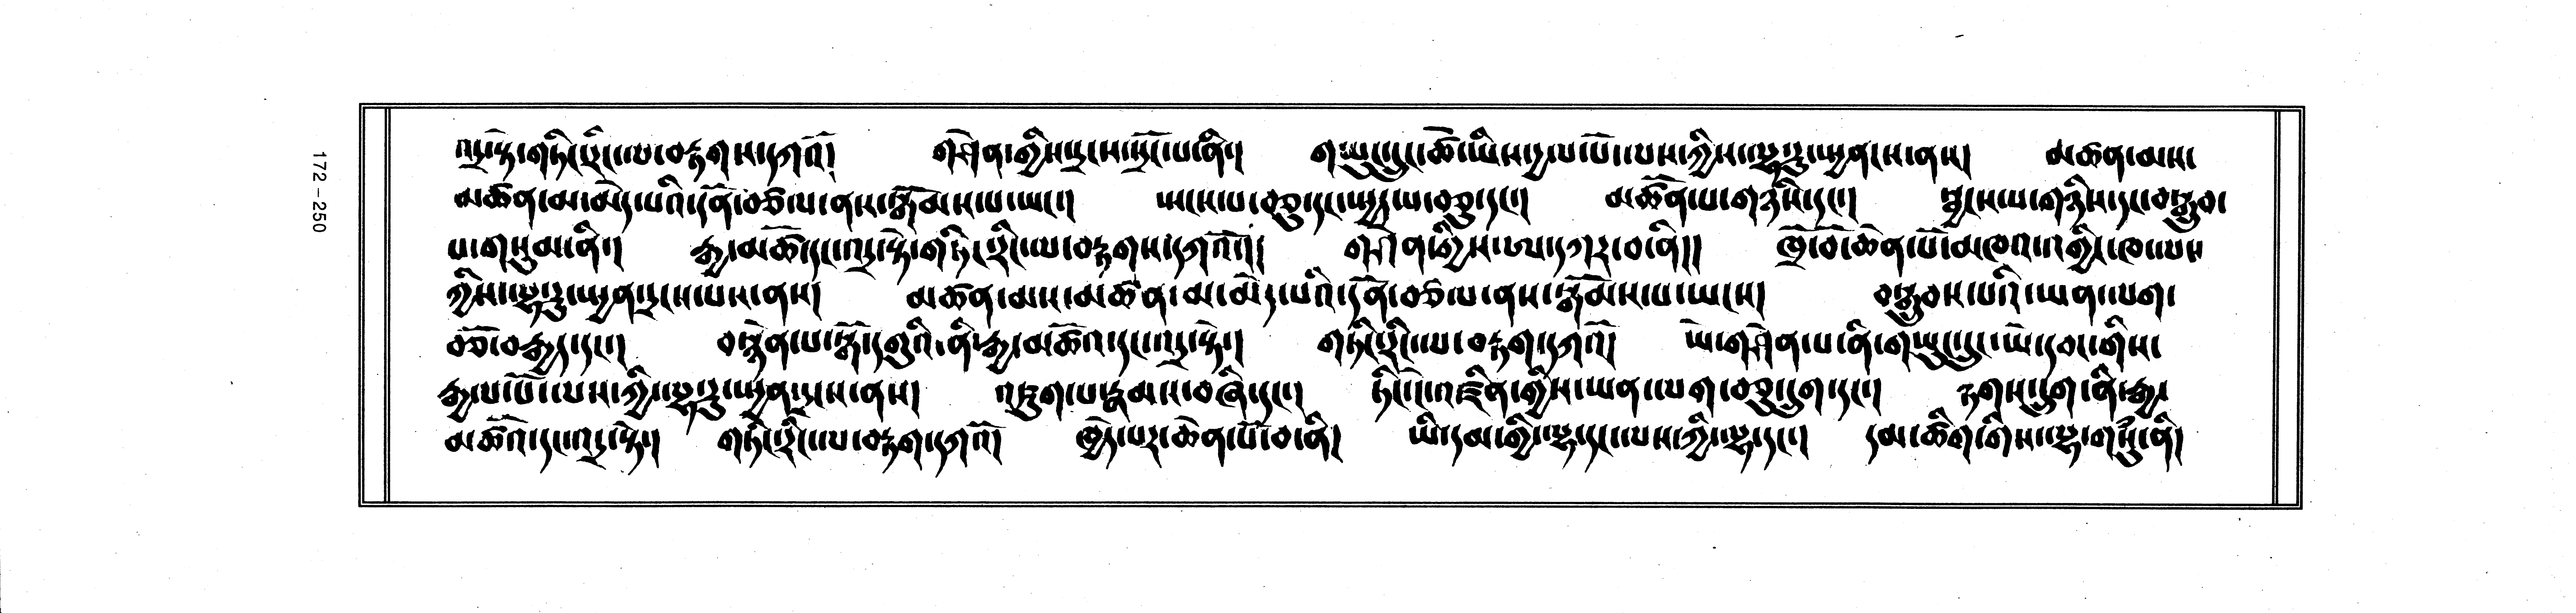འདྲ་སྟེ་གཏིང་རིང་ལ་བརྟགས་དཀའོ། གཤེན་གྱིས་དྲངས་སྲོང་པ་ནི། གཡུང་དྲུང་ཚེ་ཡིས་རྒྱལ་པོ་ལས་ཀྱིས་ལྷ་རུ་སྤྱན་དྲངས་ནས། མཚན་མས་
མཚན་མ་མེད་པའི་དོན་བཙལ་ནས་སྒོམས་པ་ཡང་། སྤངས་པ་བཅུ་དང་སྤྱད་པ་བཅུ་དང་། མཚོན་པ་གཉིས་དང་། སྦྱངས་པ་གཉིས་དང་བསྒྲུབ་
པ་གསུམ་ནི། རྒྱ་མཚོ་དང་འདྲ་སྟེ་གཏིང་རིང་ལ་བརྟགས་དཀའོ། གཤེན་གྱིས་ཨ་དཀར་བ་ནི། ཁྲོ་བོ་ཆེན་པོ་མཁའ་འགྱིང་ཁ་ལས་
ཀྱིས་ལྷ་རུ་སྤྱན་དྲངས་པས་ནས། མཚན་མས་མཚན་མ་མེད་པའི་དོན་བཙལ་ནས་སྒོམས་པ་ཡང་། བསྒྲུབས་པའི་ཡན་ལག་
བཅོ་བརྒྱད་དང་། བསྙེན་པ་སྒོ་དགུའི་ནི་རྒྱ་མཚོའ་འདྲ་སྟེ། གཏིང་རིང་ལ་བརྟགས་དཀའོ། ཡེ་གཤེན་པ་ནི་གཡུང་དྲུང་ཡེ་དབང་གིས་
རྒྱལ་པོ་ལས་ཀྱི་ལྷ་རུ་སྤྱན་དྲངས་ནས། འཇུག་པ་རྣམ་བཞི་དང་། ཏིང་ངེ་འཛིན་གྱིས་ཡན་ལག་བཅུ་དྲུག་དང་། རྟགས་དྲུག་ནི་རྒྱ་
མཚོའ་དང་འདྲ་སྟེ། གཏིང་རིང་ལ་བརྟགས་དཀའོ། ཁྱེད་པར་ཆེན་པོ་བ་ནི། ཡི་དམ་གྱི་ལྷ་དང་ལས་ཀྱི་ལྷ་དང་། དམ་ཚིགས་གིས་ལྷ་གསུམ་ནི།